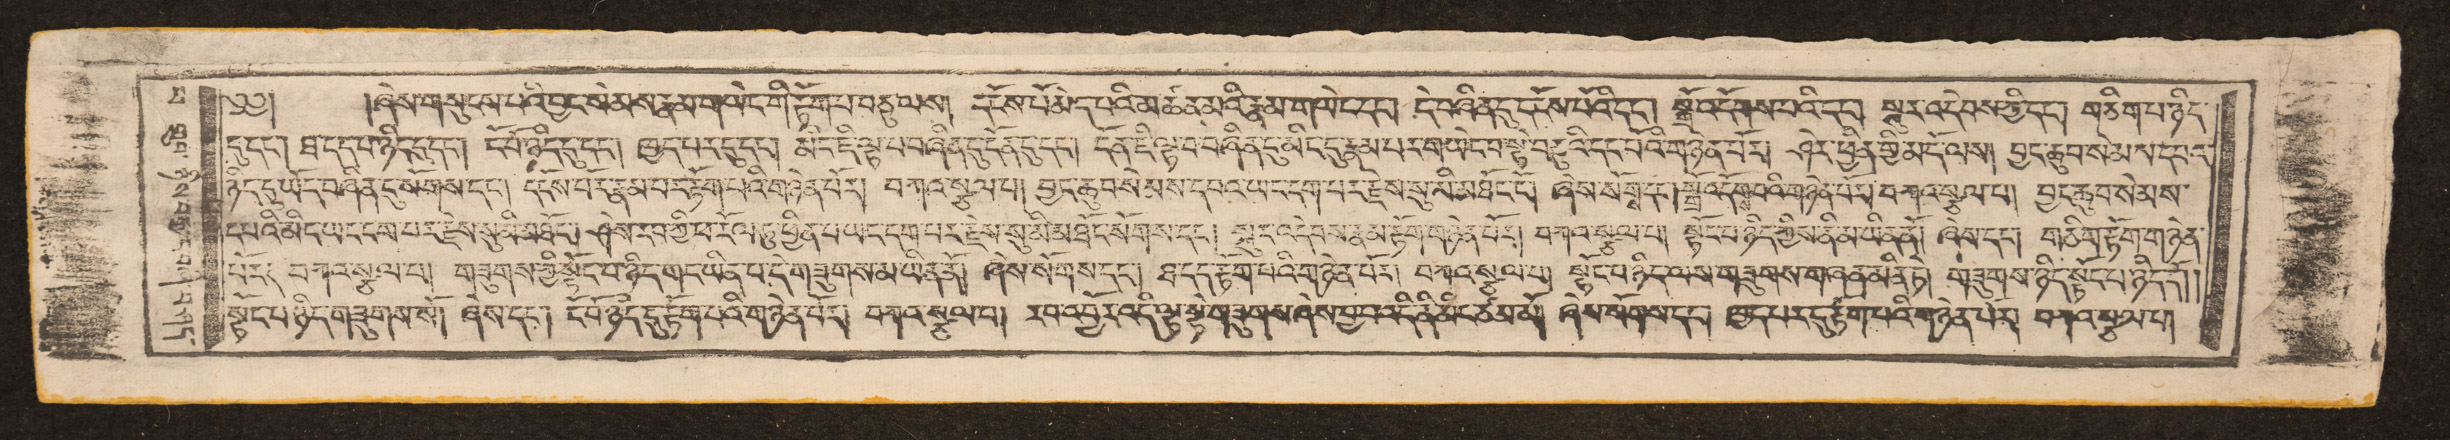༄༅། །ཞེས་གསུངས་པའི་བྱང་སེམས་རྣམ་གཡེང་གི་རྟོག་པ་བཅུ་ལས། དངོས་པོ་མེད་པའི་མཚན་མའི་རྣམ་གཡེང་དང་། དེ་བཞིན་དུ་དངོས་པོའི་དང་། སྒྲོ་འདོགས་པའི་དང་། སྐུར་འདེབས་ཀྱི་དང་། གཅིག་པ་ཉིད་
དུ་དང་། ཐ་དད་པ་ཉིད་དུ་དང་། ངོ་བོ་ཉིད་དུ་དང་། ཁྱད་པར་དུ་དང་། མིང་ཇི་ལྟ་པ་བཞིན་དུ་དོན་དུ་དང་། དོན་ཇི་ལྟ་བ་བཞིན་དུ་མིང་དུ་རྣམ་པར་གཡེང་བ་སྟེ་བཅུའི་དང་པོའི་གཉེན་པོར། ཤེར་ཕྱིན་གྱི་མདོ་ལས། བྱང་ཆུབ་སེམས་དཔའ་
ཉིད་དུ་ཡོད་བཞིན་དུ་སོགས་དང་། དངོས་པོར་རྣམ་པར་རྟོག་པའི་གཉེན་པོར། བཀའ་སྩལ་པ། བྱང་ཆུབ་སེམས་དཔའ་ཡང་དག་པར་རྗེས་སུ་མི་མཐོང་ངོ། ཞེས་སོགས་དང་། སྒྲོ་འདོགས་པའི་གཉེན་པོར། བཀའ་སྩལ་བ། བྱང་ཆུབ་སེམས་
དཔའི་མིང་ཡང་དག་པར་རྗེས་སུ་མི་མཐོང་། ཤེས་རབ་ཀྱི་ཕ་རོལ་ཏུ་ཕྱིན་པ་ཡང་དག་པར་རྗེས་སུ་མི་མཐོང་སོགས་དང་། སྐུར་འདེབས་རྣམ་རྟོག་གཉེན་པོར། བཀའ་སྩལ་པ། སྟོང་པ་ཉིད་ཀྱིས་ནི་མ་ཡིན་ནོ། ཞེས་དང་། གཅིག་རྟོག་གཉེན་
པོར༑ བཀའ་སྩལ་བ། གཟུགས་ཀྱི་སྟོང་པ་ཉིད་གང་ཡིན་པ་དེ་གཟུགས་མ་ཡིན་ནོ། ཞེས་སོགས་དང་། ཐ་དད་རྟོག་པའི་གཉེན་པོར། བཀའ་སྩལ་པ། སྟོང་པ་ཉིད་ལས་གཟུགས་གཞན་མིན་ཏེ། གཟུགས་ཉིད་སྟོང་པ་ཉིད་དོ། །
སྟོང་པ་ཉིད་གཟུགས་སོ། ཞེས་དང་། ངོ་བོ་ཉིད་དུ་རྟོག་པའི་གཉེན་པོར། བཀའ་སྩལ་བ། རབ་འབྱོར་འདི་ལྟ་སྟེ་གཟུགས་ཞེས་བྱ་བ་འདི་ནི་མིང་ཙམ་མོ། ཞེས་སོགས་དང་། ཁྱད་པར་དུ་རྟོག་པའི་གཉེན་པོར། བཀའ་སྩལ་པ།